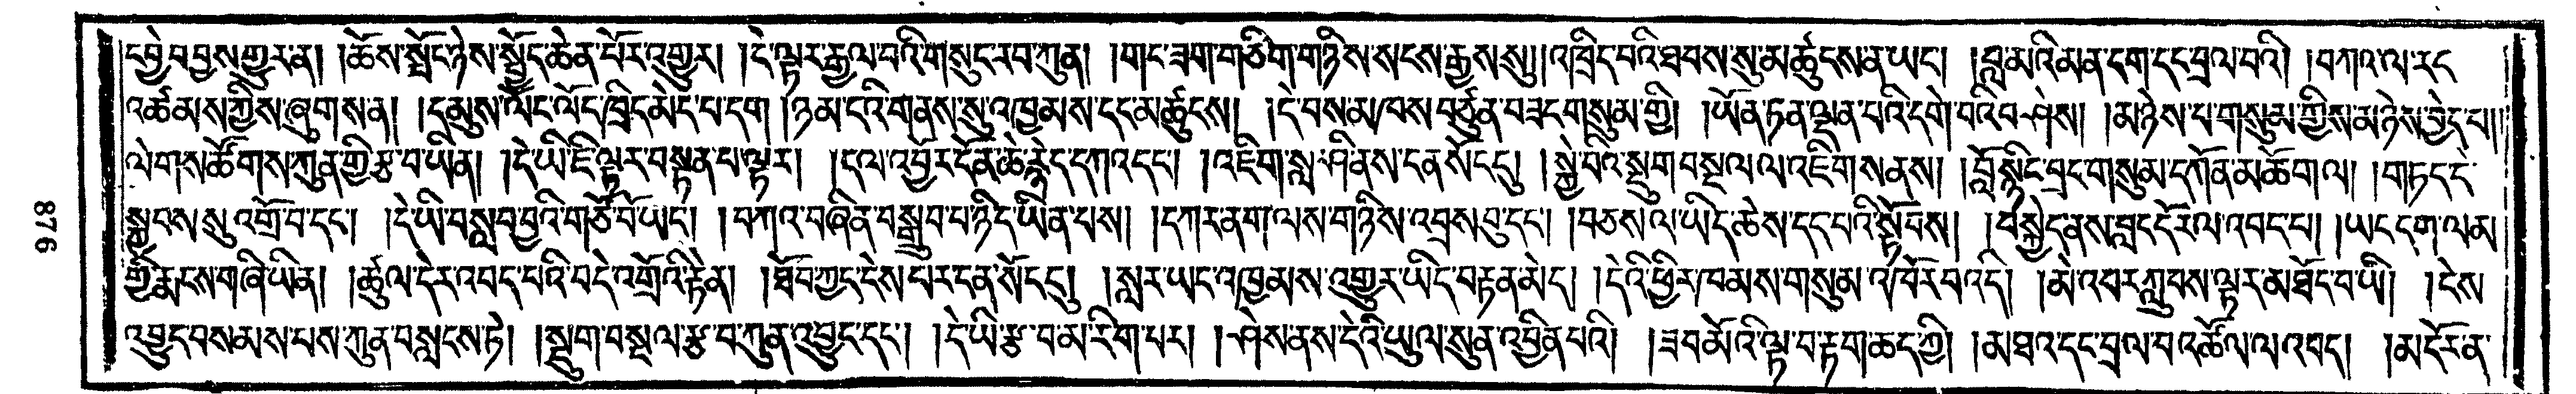དབྱེ་བ་བྱས་གྱུར་ན། །ཆོས་སྤོང་ཉེས་སྤྱོད་ཆེན་པོར་འགྱུར། །དེ་ལྟར་རྒྱལ་བའི་གསུང་རབ་ཀུན། །གང་ཟག་གཅིག་གཉིས་སངས་རྒྱས་སུ། །འཁྲིད་པའི་ཐབས་སུ་མཚུངས་ན་ཡང་། །བླ་མའི་མན་ངག་དང་བྲལ་བའི། །བཀའ་ལ་རང་
འཚམས་ཀྱིས་ཞུགས་ན། །དམུས་ལོང་ལོང་ཁྲིད་མེད་པ་དག །ཉམ་ངའི་གནས་སུ་འཁྱམས་དང་མཚུངས། །དེ་བས་མཁས་བཙུན་བཟང་གསུམ་གྱི། །ཡོན་ཏན་ལྡན་པའི་དགེ་བའི་བཤེས། །མཉེས་པ་གསུམ་གྱིས་མཉེས་བྱེད་པ།།
ལེགས་ཚོགས་ཀུན་གྱི་རྩ་བ་ཡིན། །དེ་ཡི་ཇི་ལྟར་བསྟན་པ་ལྟར། །དལ་འབྱོར་དོན་ཆེ་རྙེད་དཀའ་དང་། །འཇིག་སླ་ཤི་ནས་ངན་སོང་དུ། །སྐྱེ་བའི་སྡུག་བསྔལ་ལ་འཇིགས་ནས། །བློ་སྙིང་བྲང་གསུམ་དཀོན་མཆོག་ལ། །གཏད་དེ་
སྐྱབས་སུ་འགྲོ་བ་དང་། །དེ་ཡི་བསླབ་བྱའི་གཙོ་བོ་ཡང་། །བཀའ་བཞིན་བསྒྲུབ་པ་ཉིད་ཡིན་པས། །དཀར་ནག་ལས་གཉིས་འབྲས་བུ་དང་། །བཅས་ལ་ཡིད་ཆེས་དང་པའི་སྟོབས། །བསྐྱེད་ནས་བླང་དོ་རལ་འབད་པ། །ཡང་དག་ལམ་
གྱི་རྨངས་གཞི་ཡིན། །ཚུལ་དེར་འབད་པའི་བདེ་འགྲོའི་རྟེན། །ཐོབ་ཀྱང་ངེས་པར་ངན་སོང་དུ། །སླར་ཡང་འཁྱམས་འགྱུར་ཡིད་བརྟན་མེད། །དེའི་ཕྱིར་ཁམས་གསུམ་འཁོར་བ་འདི། །མེ་འབར་ཀླུབས་ལྟར་མཐོང་བ་ཡི། །ངེས་
འབྱུང་བསམས་པས་ཀུན་བསླངས་ཏེ། །སྡུག་བསྔལ་རྩ་བ་ཀུན་འབྱུང་དང་། །དེ་ཡི་རྩ་བ་མ་རིག་པར། །ཤེས་ནས་དེའི་ཡུལ་སུན་འབྱིན་པའི། །ཟབ་མོའི་ལྟ་བ་རྟག་ཆད་ཀྱི། །མཐའ་དང་བྲལ་བ་འཚོལ་ལ་འབད། །མདོར་ན་